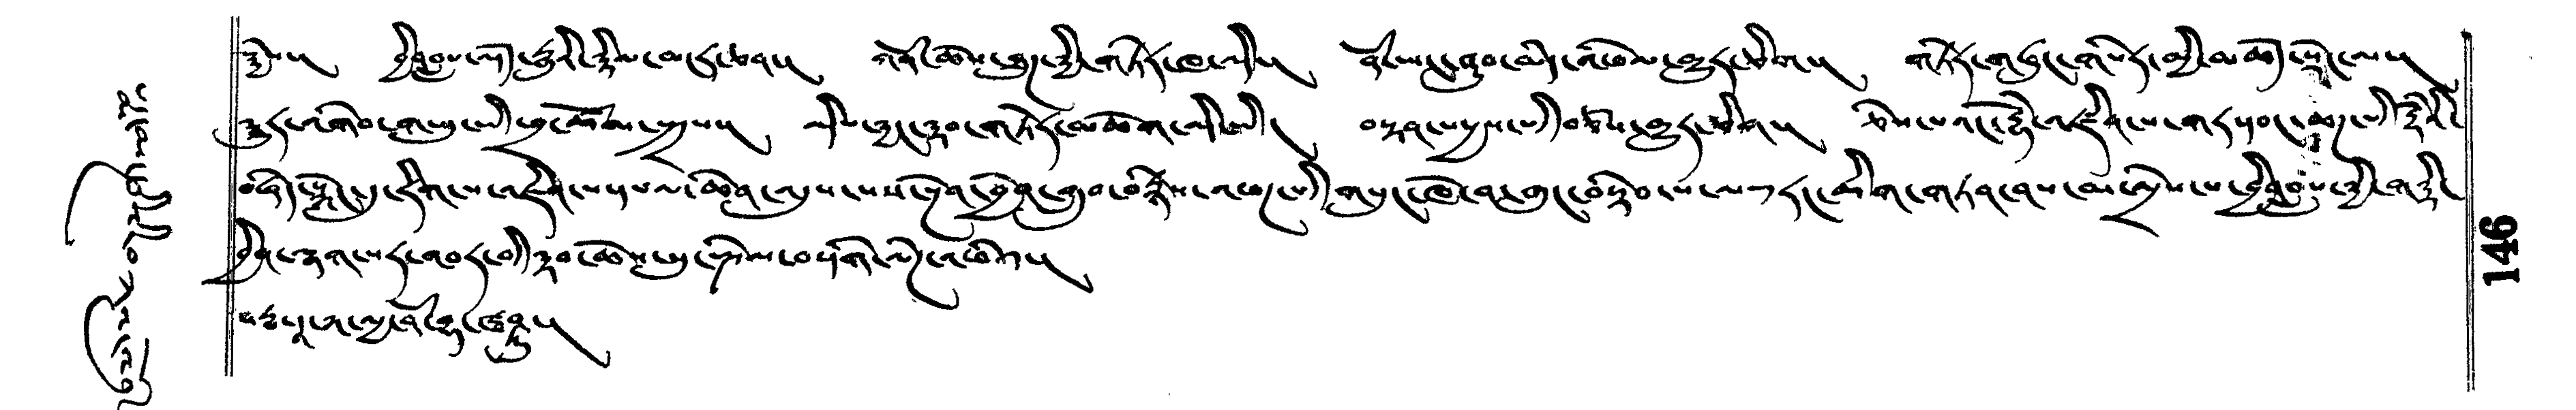སྐྱེས། །བྱིན་རླབས་འདོད་རྒུའི་ཟིལ་མངར་ཅན། །གནམ་ཆོས་ཐུགས་ཀྱི་གཏེར་ཁ་འདི། །ནམ་ཡང་ནུབ་མེད་འཕེལ་གྱུར་ཅིག །གཏེར་གཞུང་གསེར་གྱི་མཆོད་སྡོང་ལ། །
ཟུར་འགེབས་གཡུ་ཡི་ཕྲ་ཚོམ་སྤྲས། །འདིས་ཀྱང་ཟབ་གཏེར་མཆོག་འདི་ཡི། །བསྟན་པ་རྒྱས་པའི་བཙས་གྱུར་ཅིག ཅེས་པའང་རྡོ་རྗེ་འཛིན་པ་གར་དབང་ཆགས་པའི་རྡོ་རྗེའི་
བཞེད་སྐོང་དུ་རིག་པ་འཇིན་པ་དཔལ་ཆེན་འདུས་པས་སྔོན་བྱོན་གྲུབ་བརྙེས་འཕགས་པའི་གསུང་ཁོ་ན་གུང་བསྡེབས་པ་ལས་རང་ཚིག་གཏན་ནས་མ་འདྲེས་པར་བྱིན་རླབས་ཀྱི་གཟི་
བྱིན་ལྷག་པར་འབར་བའི་ཟབ་ཆོས་སུ་སྤེལ་བ་དགེ་ལེགས་འཕེལ།། 
སརྦ་དཱ་ཀ་ལྱ་ནཾ་བྷ་ཝནྟུ།།